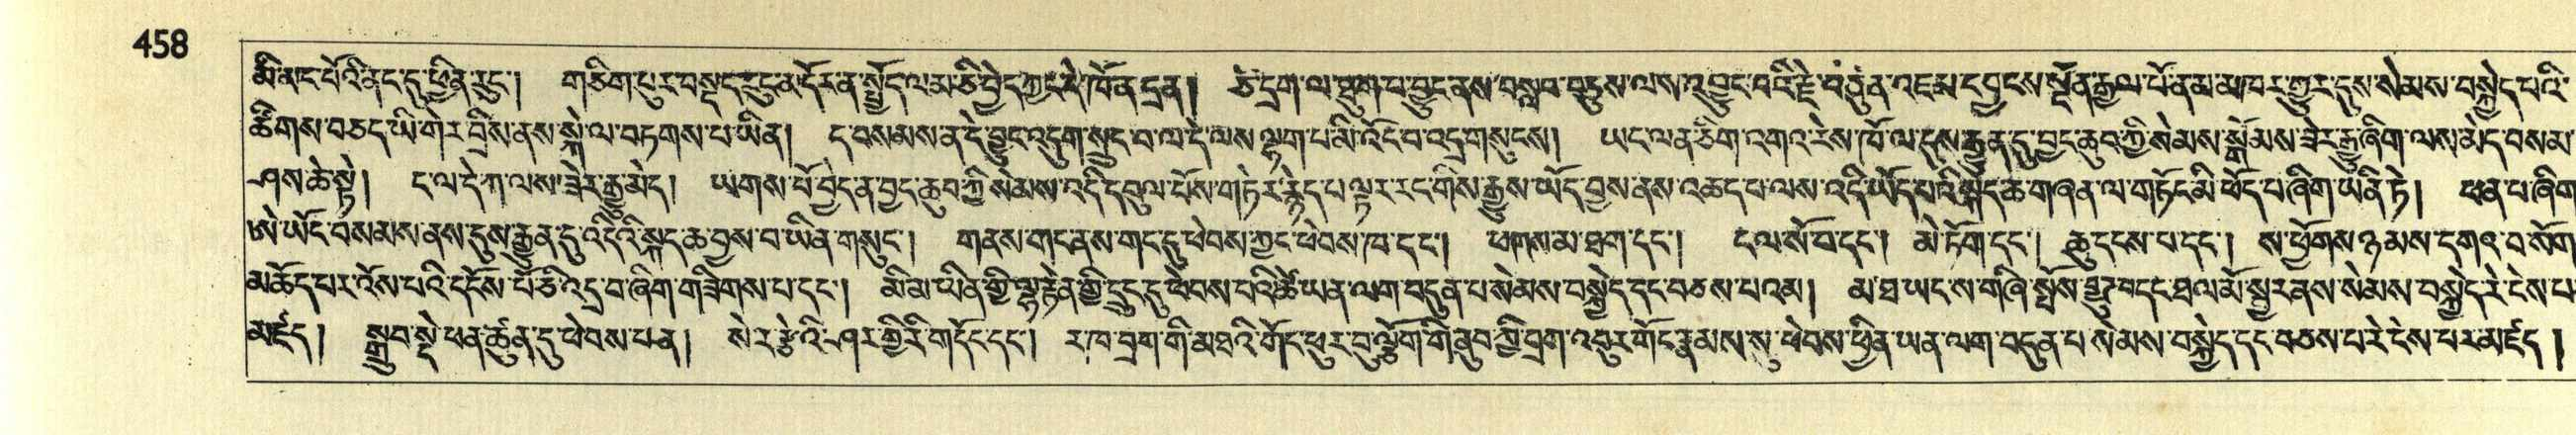མི་མང་པོའི་ནང་དུ་ཕྱིན་རུང་། གཅིག་པུར་བསྡད་རུང་མདོར་ན་སྤྱོད་ལམ་ཅི་བྱེད་ཀྱང་དེ་ཁོ་ན་དྲན། ཅི་དྲག་ལ་ཐུག་པ་བྱུང་ནས་བསླབ་བཏུས་ལས་འབྱུང་བའི་རྗེ་བཙུན་འཇམ་དབྱངས་སྔོན་རྒྱལ་པོ་ནམ་མཁར་གྱུར་དུས་སེམས་བསྐྱེད་པའི་
ཚིགས་བཅད་ཡི་གེར་བྲིས་ནས་སྐེ་ལ་བཏགས་པ་ཡིན། ད་བསམས་ན་དེ་བྱུང་འདུག་སྲུང་བ་ལ་དེ་ལས་ལྷག་པ་མི་འོང་བ་འདྲ་གསུངས། ཡང་ལན་ཅིག་འགའ་རེས་ཁོ་ལ་དུས་རྒྱུན་དུ་བྱང་ཆུབ་ཀྱི་སེམས་སྒོམས་ཟེར་རྒྱུ་ཞིག་ལས་མེད་བསམ་
ཤས་ཆེ་སྟེ། ང་ལ་དེ་ཀ་ལས་ཟེར་རྒྱུ་མེད། ཡགས་པོ་བྱེད་ན་བྱང་ཆུབ་ཀྱི་སེམས་འདི་དབུལ་པོས་གཏེར་རྙེད་པ་ལྟར་རང་གིས་རྒྱུས་ཡོད་བྱས་ནས་འཆད་པ་ལས་འདི་ཡོད་པའི་སྐད་ཆ་གཞན་ལ་གཏོང་མི་ཕོད་པ་ཞིག་ཡིན་ཏེ། ཕན་པ་ཞིག་
ཨེ་ཡོང་བསམས་ནས་དུས་རྒྱུན་དུ་འདིའི་སྐད་ཆ་བྱས་བ་ཡིན་གསུང་། གནས་གང་ནས་གང་དུ་ཕེབས་ཀྱང་ཕེབས་ཁ་དང་། ཕགས་མ་ཐག་དང་། ངལ་སོ་བ་དང་། མེ་ཏོག་དང་། ཆུ་དངས་པ་དང་། ས་ཕྱོགས་ཉམས་དགའ་བ་སོགས་
མཆོད་པར་འོས་པའི་དངོས་པོ་ཅི་འདྲ་བ་ཞིག་གཟིགས་པ་དང་། མི་མ་ཡིན་གྱི་ལྷ་རྟེན་གྱི་དྲུང་དུ་ཕེབས་པའི་ཚེ་ཡན་ལག་བདུན་བ་སེམས་བསྐྱེད་དང་བཅས་པའམ། མ་ཐ་ཡང་ས་གཞི་སྤོས་བྱུཌ་བ་དང་ཐལ་མོ་སྦྱར་ནས་སེམས་བསྐྱེད་རེ་ངེས་པར་
མཛད། སྒྲུབ་སྡེ་ཕན་ཚུན་དུ་ཕེབས་པ་ན། སེར་རྩེའི་ཤར་གྱི་རི་གདོང་དང་། ར་ཁ་བྲག་གི་མཐའི་གོང་ཕུར་བུ་ལྕོག་གི་ནུབ་ཀྱི་བྲག་འབུར་གོང་རྣམས་སུ་ཕེབས་ཕྱིན་ཡན་ལག་བདུན་པ་སེམས་བསྐྱེད་དང་བཅས་པ་རེ་ངེས་པར་མཛད།